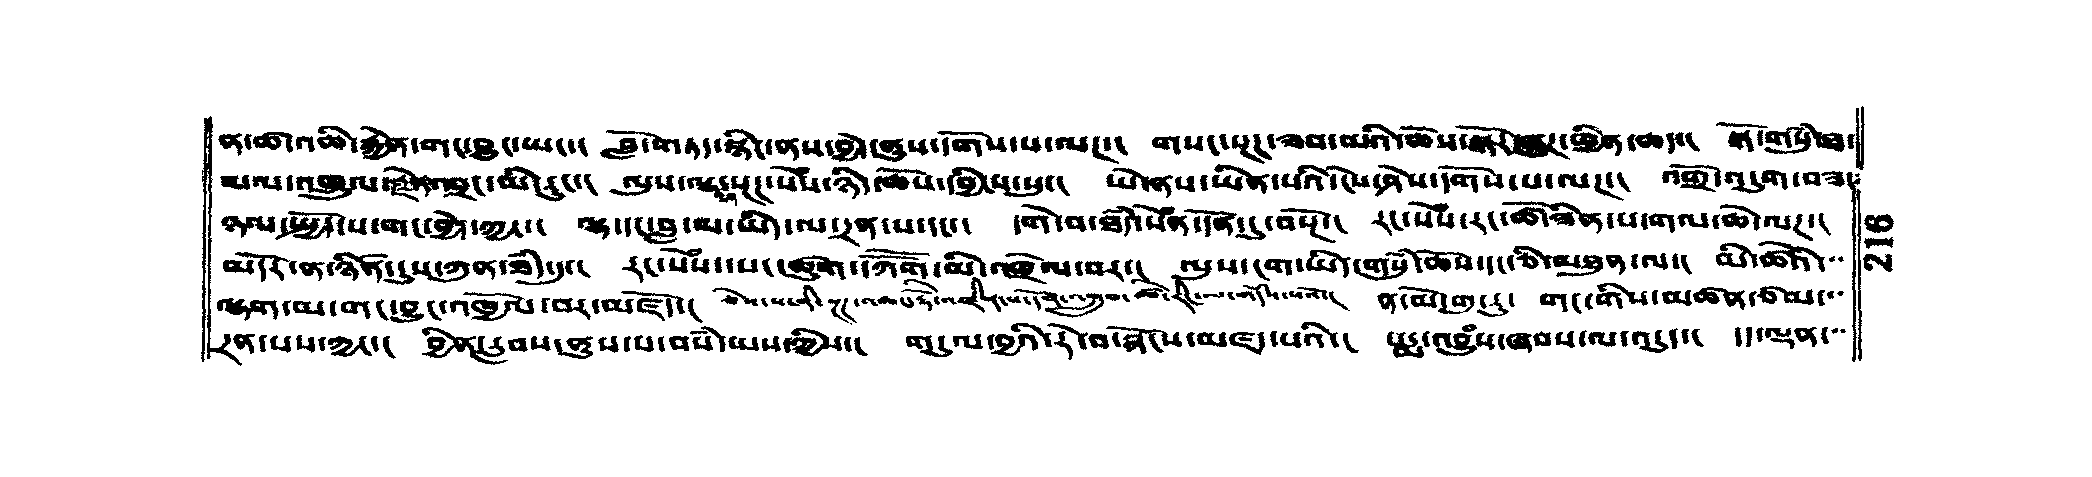ན་ཚ་འཆི་རྐྱེན་གང་བྱུང་ཡང་། །བློ་གཏད་སྙིང་ནས་བྱེད་ནུས་དགོས་པ་ལགས། །གསང་སྔགས་ཟབ་མོའི་ཆོས་སྒོར་ཞུགས་ཕྱིན་ཆད། །སྒོ་གསུམ་ཐ་
མལ་འཁྲུལ་རྗེས་འབྲང་མི་རུང་། །ལུས་ལྷ་ཚིག་སྔགས་སེམས་ཉིད་ཆོས་དབྱིངས་སུ། །ཡེ་ནས་ཡིན་པའི་ངེས་ཤེས་དགོས་པ་ལགས། །འགྲོ་འདུག་ཟ་
ཉལ་སྤྱོད་པ་གང་བྱེད་ཀྱང་། །ལྷ་དང་བླ་མ་ཡིད་ལ་དྲན་པ་དང་། །དགེ་བ་ཐམས་ཅད་སེམས་ཅན་དོན་དུ་བསྔོ། །རང་སེམས་རང་ཚོད་ཟིན་་པ་གལ་ཆེ་ལགས། །
མདོར་ན་ཉིན་མཚན་དུས་ཀུན་ཐམས་ཅད་དུ། །རང་སེམས་དཔང་བཙུག་དཀོན་མཆོག་མི་ཁྲེལ་བར། །ལུས་ངག་ཡིད་གསུམ་ཆོས་དང་ཅི་མཐུན་ལ། །མི་ཚེའི་
ལྷག་མ་གང་་བྱུང་འཁྱོལ་བར་མཛོད། ཅེས་པ་ནི་སྔགས་འཆང་རྡོ་རྗེ་འཛིན་པ་དོན་འགྲུབ་ཚེ་རིང་ལ་གདམས་པའོ།། ན་མོ་གུ་རུ། གང་གིས་མཚན་ཙམ་
དྲན་པས་ཀྱང་། །བྱིན་རླབས་ནུས་པ་བསམ་ཡས་ཀྱིས། །གདུལ་བྱའི་རེ་བ་སྐོངས་མཛད་པའི། །པདྨ་འབྱུང་གནས་ཞབས་ལ་འདུད། །དད་ལྡན་